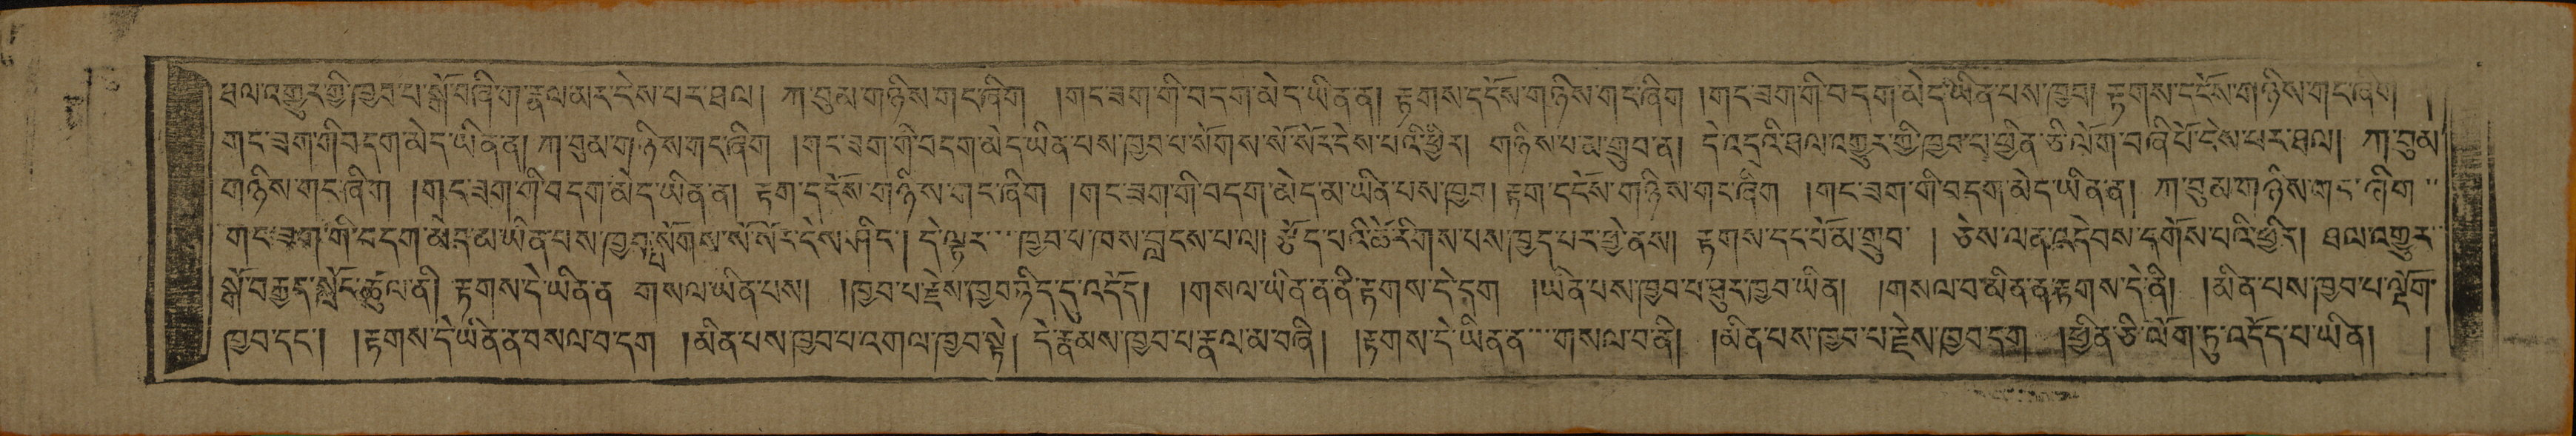ཐལ་འགྱུར་གྱི་ཁྱབ་པ་སྒོ་བཞི་ག་རྣལ་མར་ངེས་པར་ཐལ། ཀ་བུམ་གཉིས་གང་ཞིག །གང་ཟག་གི་བདག་མེད་ཡིན་ན། རྟགས་དངོས་གཉིས་གང་ཞིག །གང་ཟག་གི་བདག་མེད་ཡིན་པས་ཁྱབ། རྟགས་དངོས་གཉིས་གང་ཞིག །
གང་ཟག་གི་བདག་མེད་ཡིན་ན། ཀ་བུམ་གཉིས་གང་ཞིག །གང་ཟག་གི་བདག་མེད་ཡིན་པས་ཁྱབ་པ་སོགས་སོ་སོར་ངེས་པའི་ཕྱིར། གཉིས་པ་མ་གྲུབ་ན། དེ་འདྲའི་ཐལ་འགྱུར་གྱི་ཁྱབ་པ་ཕྱིན་ཅི་ལོག་བཞི་པོ་ངེས་པར་ཐལ། ཀ་བུམ་
གཉིས་གང་ཞིག །གང་ཟག་གི་བདག་མེད་ཡིན་ན། རྟག་དངོས་གཉིས་གང་ཞིག །གང་ཟག་གི་བདག་མེད་མ་ཡིན་པས་ཁྱབ། རྟག་དངོས་གཉིས་གང་ཞིག །གང་ཟག་གི་བདག་མེད་ཡིན་ན། ཀ་བུམ་གཉིས་གང་ཞིག་
གང་ཟག་གི་བདག་མེད་མ་ཡིན་པས་ཁྱབ་པ་སོགས་སོ་སོར་ངེས་ཤིང་། དེ་ལྟར་ཁྱབ་པ་ཁས་བླངས་པ་ལ། རྩོད་པའི་ཚེ་རིགས་པས་ཁྱད་པར་ཕྱེ་ནས། རྟགས་དང་པོ་མ་གྲུབ། ཅེས་ལན་འདེབས་དགོས་པའི་ཕྱིར། ཐལ་འགྱུར་
སྒོ་བརྒྱད་སློང་ཚུལ་ནི། རྟགས་དེ་ཡིན་ན་གསལ་ཡིན་པས། །ཁྱབ་པ་རྗེས་ཁྱབ་ཉིད་དུ་འདོད། །གསལ་ཡིན་ན་ནི་རྟགས་དེ་དག །ཡིན་པས་ཁྱབ་པ་ཐུར་ཁྱབ་ཡིན། །གསལ་བ་མིན་ན་རྟགས་དེ་ནི། །མིན་པས་ཁྱབ་པ་ལྡོག་
ཁྱབ་དང་། །རྟགས་དེ་ཡིན་ན་བསལ་བ་དག །མིན་པས་ཁྱབ་པ་འགལ་ཁྱབ་སྟེ། དེ་རྣམས་ཁྱབ་པ་རྣལ་མ་བཞི། །རྟགས་དེ་ཡིན་ན་གསལ་བ་ནི། །མིན་པས་ཁྱབ་པ་རྗེས་ཁྱབ་དག །ཕྱིན་ཅི་ལོག་ཏུ་འདོད་པ་ཡིན། །